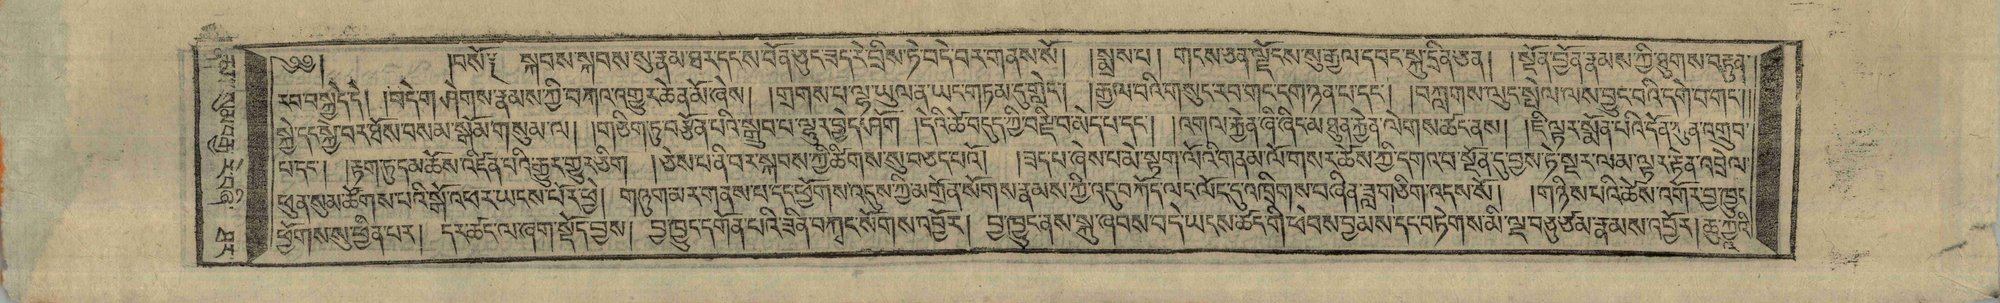༄༅། །བ་སོ། སྐབས་སྐབས་སུ་རྣམ་ཐར་དང་ས་བོན་ཅུང་ཟད་རེ་བྲིས་ཏེ་བདེ་བར་གནས་སོ། །སྨྲས་པ། གངས་ཅན་ལྗོངས་སུ་རྒྱལ་དབང་སྐུ་དྲིན་ཅན། །སྔོན་བྱོན་རྣམས་ཀྱི་ཐུགས་བརྟུན་
རབ་བསྐྱེད་དེ། །བདེ་གཤེགས་རྣམས་ཀྱི་བཀའ་འགྱུར་ཆེན་མོ་ཞེས། །གྲགས་པ་ལྷ་ཡུལ་ན་ཡང་གཏམ་དུ་གླེང་། །རྒྱལ་བའི་གསུང་རབ་གང་དག་ཉན་པ་དང་། །བཀླགས་ལུང་སྤེལ་ལས་བྱུང་བའི་དགེ་བ་གང་། །
སྐྱེ་དང་སྐྱེ་བར་ཐོས་བསམ་སྒོམ་གསུམ་ལ། །གཅིག་ཏུ་བརྩོན་པའི་སྒྲུབ་པ་ལྷུར་བྱེད་ཤོག །དེའི་ཚེ་བདུད་ཀྱི་བརྫི་བ་མེད་པ་དང་། །འགལ་རྐྱེན་ཞི་ཞིང་མཐུན་རྐྱེན་ལེགས་ཚང་ནས། །ཇི་ལྟར་སྨོན་པའི་དོན་ཀུན་འགྲུབ་
པ་དང་། །རྟག་ཏུ་དམ་ཆོས་འཛིན་པའི་རྒྱུར་གྱུར་ཅིག །ཅེས་པ་ནི་བར་སྐབས་ཀྱི་ཚིགས་སུ་བཅད་པའོ། །ཟད་པ་ཞེས་པ་མེ་སྟག་ལོའི་གནམ་ལོ་གསར་ཚེས་ཀྱི་དགའ་བ་སྔོན་དུ་བྱས་ཏེ་སྔར་ལམ་ལྟར་རྟེན་འབྲེལ་
ཕུན་སུམ་ཚོགས་པའི་སྒོ་འབར་ཡངས་པོར་ཕྱི། གཉུག་མར་གནས་པ་དང་ཕྱོགས་འདུས་ཀྱི་མགྲོན་སོགས་རྣམས་ཀྱི་འདུ་བཀོད་ལང་ལོང་དུ་འཁྲིགས་བཞིན་ཟླ་གཅིག་འདས་སོ། །གཉིས་པའི་ཚེས་འགོར་བྱ་ཁྱུང་
ཕྱོགས་སུ་ཕྱིན་པར། དར་ཚང་ལ་ཞག་སྡོད་བྱས། བྱ་ཁྱུང་དགོན་པའི་ཟིན་བཀྭང་སོགས་འབྱོར། བྱ་ཁྱུང་ནས་སྐུ་ཞབས་བདེ་ཡངས་ཚང་གི་ཕེབས་བྱམས་དང་བཏེགས་མི་ལྔ་བཅུ་ཙམ་རྣམས་འབྱོར། ཆུ་ཀྱཱའི་